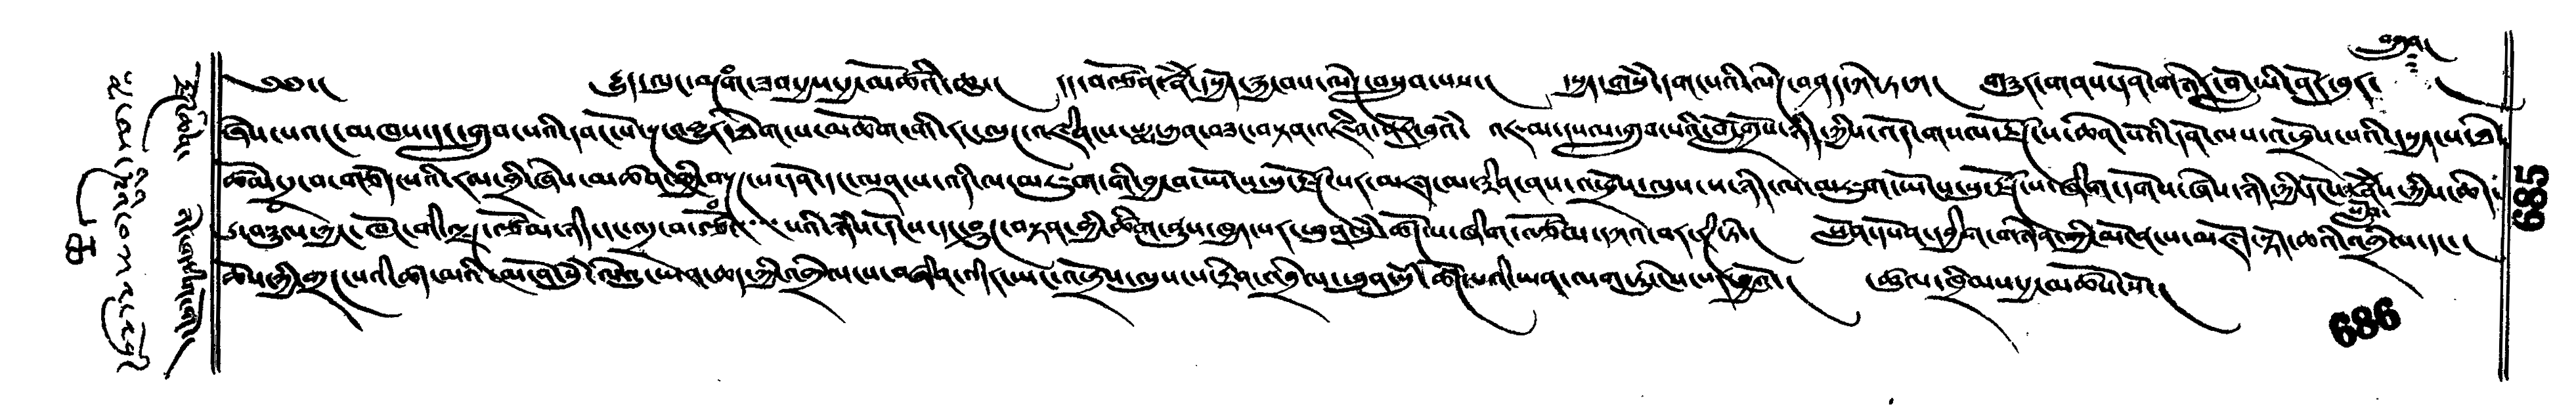།རྒྱུད་ལུང་མན་ངག་ཟབ་རྒྱས་རྒྱ་མཚོའི་ཆུ། །དད་བརྩོན་རྣམ་དཔྱོད་སྐྱ་བས་ལེགས་བསྲུབ་པས། དཔྱད་གསུམ་དག་པའི་ལེགས་བཤད་ཀེ་ཏ་ཀ །གཟུར་གནས་དོན་གཉེར་བློ་ཡི་ནོར་བུར་བཀྲུན། 
ཞེས་པའང་མཁས་དང་གྲུབ་པའི་དབང་པོ་སྔ་འགྱུར་ཐེག་པ་མཆོག་གི་རང་ལུགས་འཛིན་པ་པདྨ་ཀུན་བཟང་བསྟན་འཛིན་ནོར་བུའམ། འཇམ་དཔལ་གྲུབ་པའི་བློ་གྲོས་ཉིད་ཀྱིས་འོད་གསལ་རྫོགས་པ་ཆེན་པོའི་དོན་ལས་འཕྲོས་པའི་དཔྱད་པ་ཐེ་
ཚོམ་དྲྭ་བ་གཅོད་པའི་རལ་གྲི་ཞེས་ཚན་གྱི་བསྔགས་པ་དོན་དང་ལྡན་པ་འདི་ལ་མཇུག་གི་བྱ་བ་ཡོངས་སུ་རྗོགས་པར་མཛད་པ་ཟིན་ནས་འཕྲོས་ལུས་པ་ཉིད་ལ་མཇུག་ཡོངས་སུ་རྫོགས་པ་ཞིག་དགོས་ཞེས་ཉིད་ཀྱི་དངོས་སློབ་རྣམས་ཀྱིས་ཆེད་
དུ་བསྐུལ་ཀྱང་ཁོང་གི་ལྗགས་རྩོམ་ཉིད་དང་འདྲ་བ་རྩོམ་པའི་ཉམས་དངོས་དང་ཤུགས་བསྟན་གྱི་ཚིག་ནུས་ཁྱད་པར་ཕུན་སུམ་ཚོགས་ལ་ཞིག་རྩོམ་དཀའ་བར་རིགས་ཏེ། སློབ་དཔོན་དབྱིག་གཉེན་གྱི་མངོན་པ་མཛོད་སྟོད་ཆའི་འགྲེལ་དང་། 
ཆོས་ཀྱི་གྲགས་པའི་ཚད་མའི་མངོན་སུམ་ལེའུ་ཡན་ཆད་ཀྱི་འགྲེལ་པ་བཞིན་འདིར་ཡང་འཕྲོས་ལུས་པ་རྟེན་འབྲེལ་ཕུན་ཚོགས་པའི་ཡན་ལག་ཏུ་ངེས་པར་བྱའོ། ཚུལ་ཁྲིམས་རྒྱ་མཚོས་སོ།།